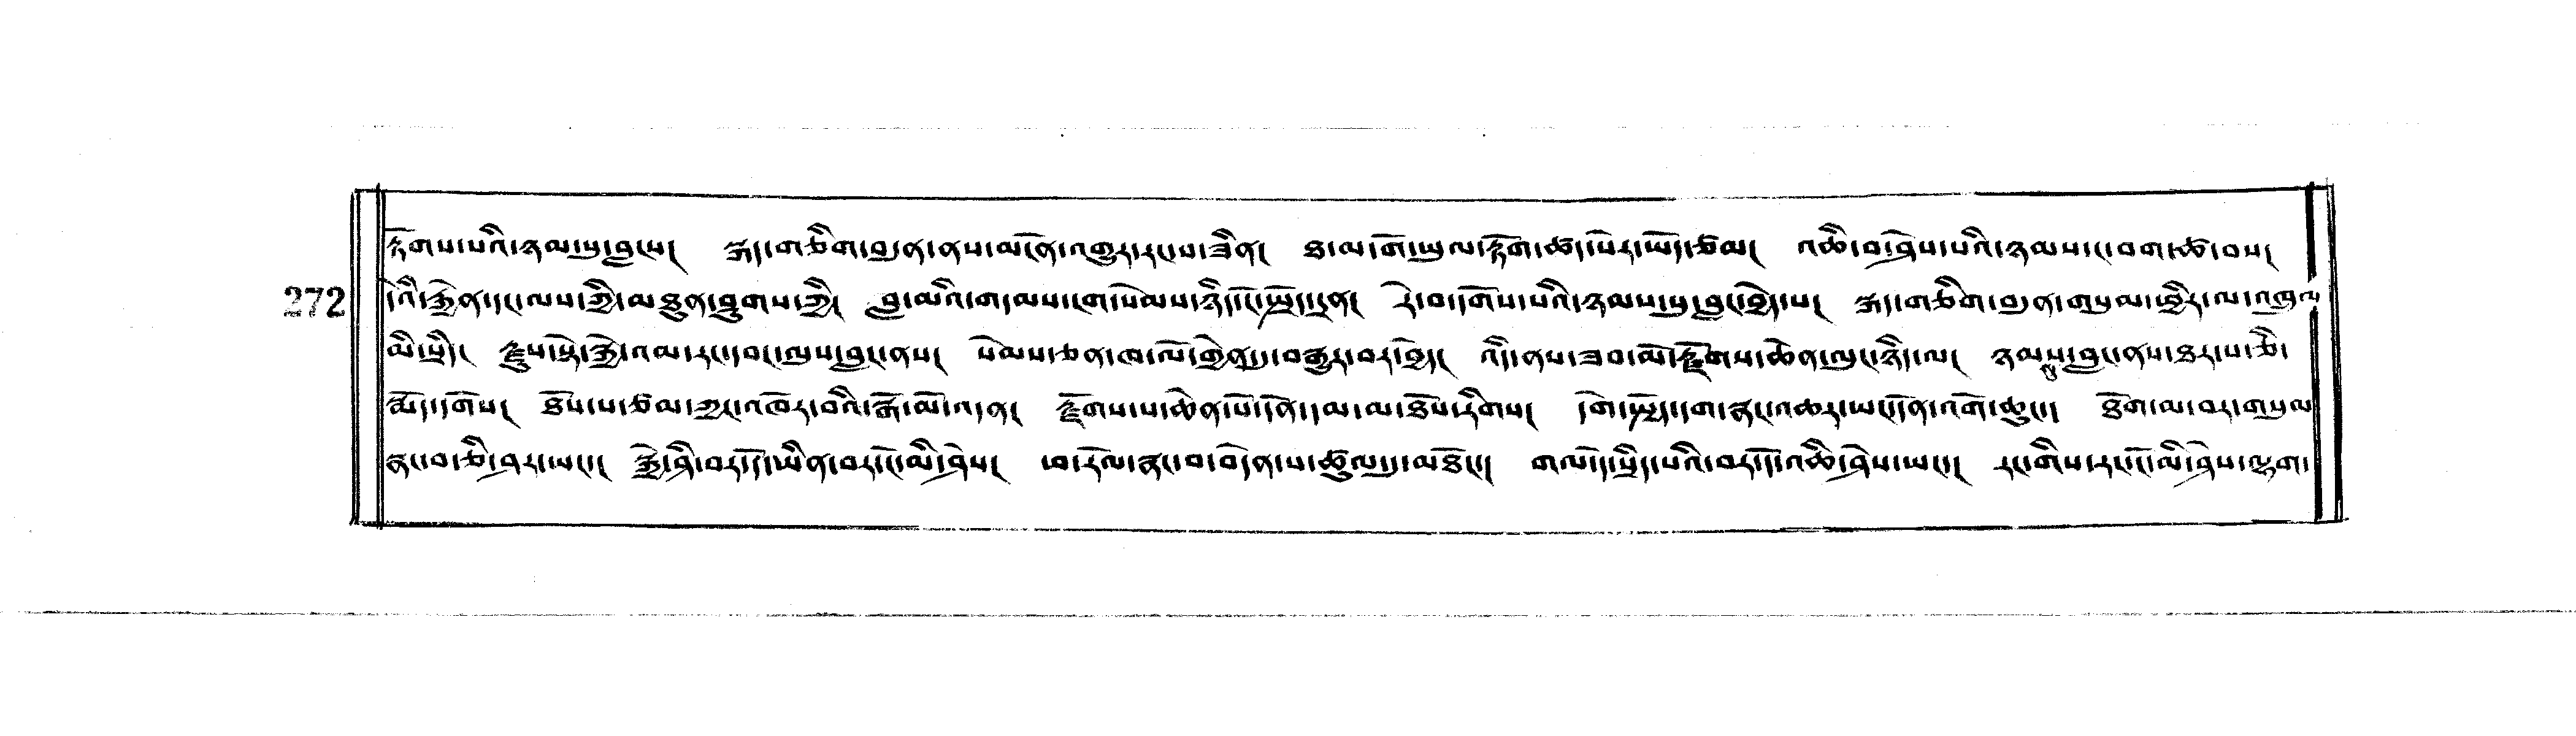རྟོགས་པའི་ཉམས་སུ་བླང་། སྐད་ཅིག་བདུན་ནས་མངོན་གྱུར་རང་ས་ཟིན། ཐ་མ་གོ་ཡུལ་རྟོགས་ཚད་སོར་ཡོད་ཙམ། འཆི་བ་ཤེས་པའི་ཉམ་ང་བག་ཚ་བས། 
དེའི་རྐྱེན་ལས་དང་ལས་ཀྱི་མཐུན་ཤུགས་ཀྱིས། བླ་མའི་གདམས་ངག་སེམས་ཉིད་ངོ་སྤྲོད་དྲན། རེ་བ་དགོས་པའི་ཉམས་སུ་བླང་བྱེད་པ། སྐད་ཅིག་བདུན་གསུམ་ཕྱིར་ལ་འཁྲུལ་
མི་སྲིད། རྫུས་ཏེ་སྐྱེ་འམ་རང་དབང་ལུས་བླང་ནས། སེམས་ཅན་ཁ་ལོ་གྱེན་དུ་སྒྱུར་བར་བྱེད། འདི་ནས་ཟབ་མོ་རྫོགས་ཆེན་ལུང་ཉིད་ལ། ཉམས་སུ་བླང་ནས་ཐར་པ་ཅི་
སྨོས་དགོས། ཐོས་པ་ཙམ་གྱིས་འཁོར་བའི་སྒོ་མོ་འདོན། རྫོགས་པ་ཆེན་པོ་དོན་དམ་མ་ཐོས་རིགས། དགེ་སྤྱོད་དག་སྣང་འཆར་ཡང་དོན་འགོ་ཆུང་། ཐོག་མ་བར་གསུམ་
སྣང་བ་ཅི་ཤར་ཡང་། སྐྱེ་ཤི་བར་དོ་ཡིན་པར་ངོ་མི་ཤེས། ཕ་རོལ་སྣང་བ་བདེན་པ་ཚུལ་དུ་མཐོང་། གལ་ཏེ་སྲིད་པའི་བར་དོ་འཆི་ཤེས་ཡང་། རང་གིས་རང་ངོ་མི་ཤེས་ལྷག་